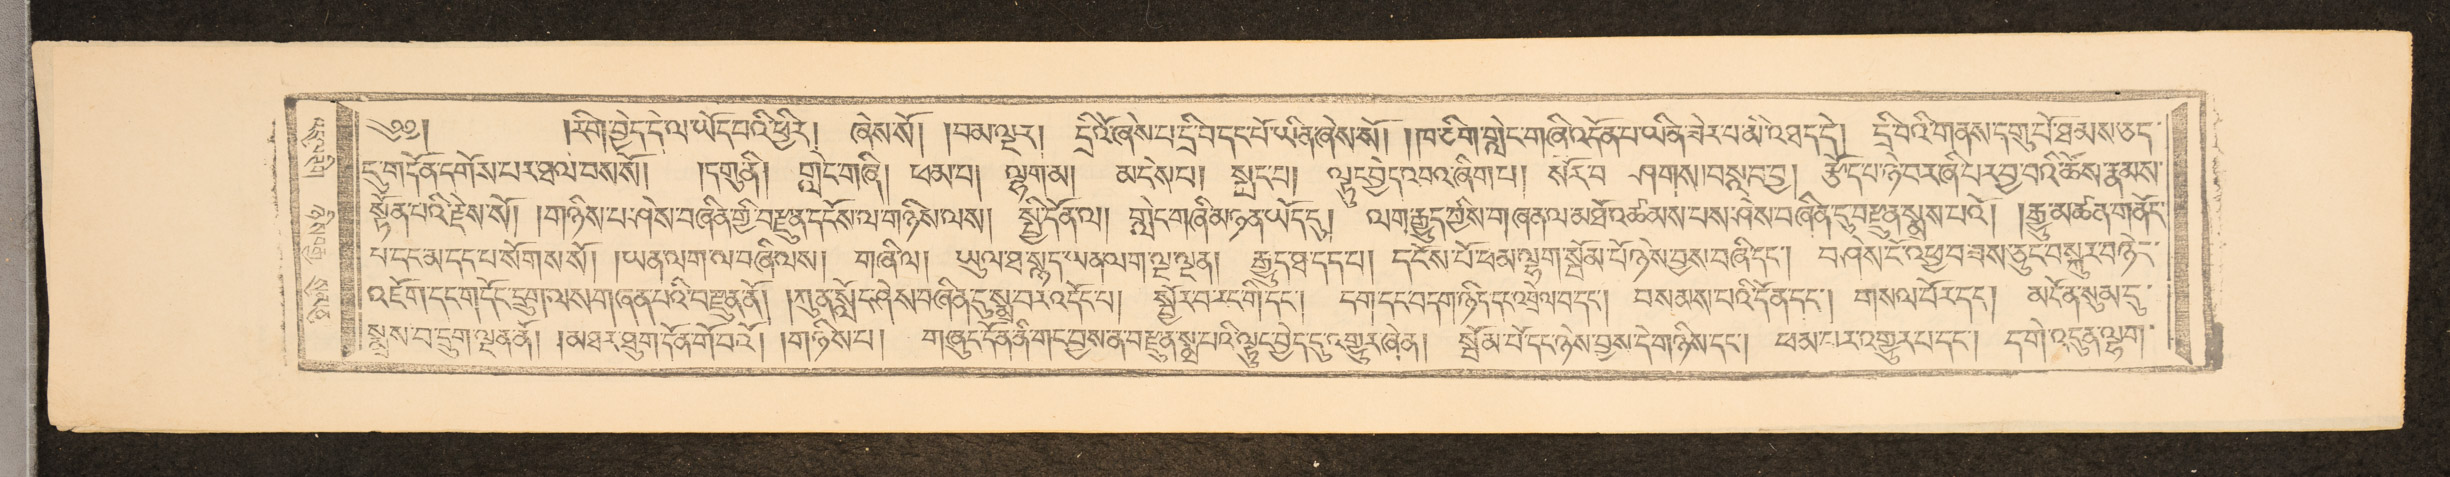༄༅། །རིག་བྱེད་དེ་ལ་ཡོད་པའི་ཕྱིར། ཞེས་སོ། །བམ་ལྔར། དྲིའོ་ཞེས་པ་དྲི་བ་དང་པོ་ཡིན་ཞེས་སོ། །ཁ་ཅིག་གླེང་གཞི་འདོན་པ་ཡིན་ཟེར་བ་མི་འཐད་དེ། དྲི་བའི་གནས་དགུ་པོ་ཐམས་ཅད་
དུ་གདོན་དགོས་པར་ཐལ་བས་སོ། །དགུ་ནི། གླེང་གཞི། ཕམ་པ། ལྷག་མ། མ་ངེས་པ། སྤང་བ། ལྟུང་བྱེད་འབའ་ཞིག་པ། སོར་བཤགས། བསླབ་བྱ། རྩོད་པ་ཉེ་བར་ཞི་བར་བྱ་བའི་ཆོས་རྣམས་
སྟོན་པའི་རྗེས་སོ། །གཉིས་པ་ཤེས་བཞིན་གྱི་བརྫུན་དངོས་ལ་གཉིས་ལས། སྤྱི་དོན་ལ། གླེང་གཞི་མཉན་ཡོད་དུ། ལག་རྒྱུད་ཀྱིས་གཞན་ལ་མཐོ་འཚམས་པས་ཤེས་བཞིན་དུ་བརྫུན་སྨྲས་པའོ། །རྒྱུ་མཚན་གནོང་
པ་དང་མ་དང་པ་སོགས་སོ། །ཡན་ལག་ལ་བཞི་ལས། གཞི་ལ། ཡུལ་ཐ་སྙད་ཡན་ལག་ལྔ་ལྡན། རྒྱུད་ཐ་དད་པ། དངོས་པོ་ཕམ་ལྷག་སྦོམ་པོ་ཉེས་བྱས་བཞི་དང་། བཤེས་ངོ་འཕྱ་བ་ཟས་ཅུང་བསྐུར་བ་ཉེར་
འཇོག་དང་གདོང་དྲུག་ལས་གཞན་པའི་བརྫུན་ནོ། །ཀུན་སློང་ཤེས་བཞིན་དུ་སྨྲ་བར་འདོད་པ། སྦྱོར་བ་རང་གི་དང་། ངག་དང་བདག་ཉིད་དང་འབྲེལ་བ་དང་། བསམས་པའི་དོན་དང་། གསལ་པོར་དང་། མངོན་སུམ་དུ་
སྨྲས་པ་དྲུག་ལྔན་ནོ། །མཐར་ཐུག་དོན་གོ་བའོ། །གཉིས་པ། གཞུང་དོན་ནི་གང་བྱས་ན་བརྫུན་སྨྲ་བའི་ལྟུང་བྱེད་དུ་འགྱུར་ཞེ་ན། སྦོམ་པོ་དང་ཉེས་བྱས་དེ་གཉིས་དང་། ཕམ་པར་འགྱུར་བ་དང་། དགེ་འདུན་ལྷག་